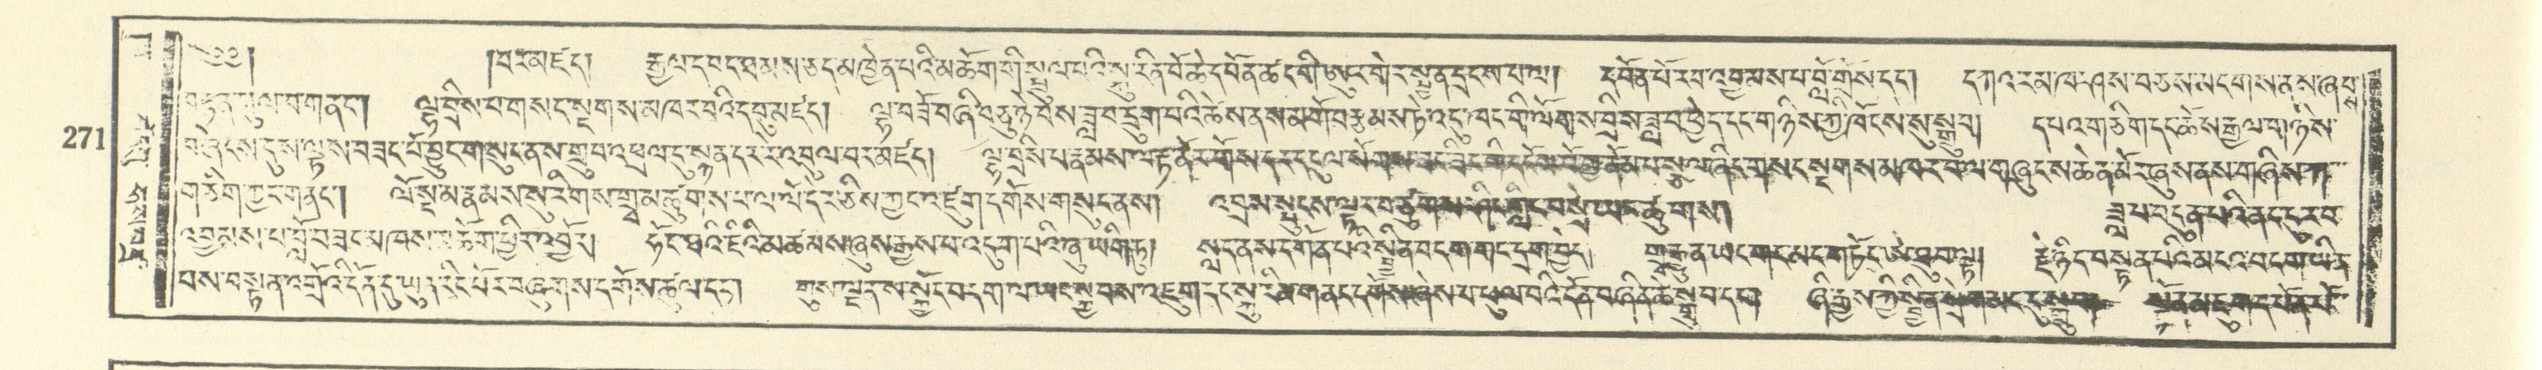༄༅། །བར་མཛད། རྒྱལ་དབང་ཐམས་ཅད་མཁྱེན་པའི་མཆོག་གི་སྤྲུལ་པའི་སྐུ་རིན་པོ་ཆེ་དཔོན་ཚང་གི་ཨུར་གེར་སྤྱན་དྲངས་པ་ལ། དབོན་པོ་རབ་འབྱམས་པ་བློ་གྲོས་དང་། དཀའ་རམ་ཁ་ཤས་བཅས་མངགས་ནས་ཞབས་
བརྟན་ཕུལ་བ་གནང་། ལྷ་བྲིས་པ་གསང་སྔགས་མཁར་བའི་དབུ་མཛད། ལྷ་བཟོ་བཞི་བཅུ་ཉེ་བས་ཟླ་བ་དྲུག་པའི་ཚེས་ནས་མགོ་བརྩམས་ཏེ་འདུ་ཁང་གི་ལོགས་བྲིས་ཟླ་བ་ཕྱེད་དང་གཉིས་ཀྱི་ཁོངས་སུ་སྒྲུབ། དཔའ་གཅིག་དང་ཆོས་རྒྱལ་གཉིས་
བཞེངས་དུས་ལྟས་བཟང་པོ་བྱུང་གསུང་ནས་གྲུབ་འཕྲལ་དུ་སྙན་དར་རེ་འབུལ་བར་མཛད། ལྷ་བྲིས་པ་རྣམས་ལ་རྟ་ནོར་གོས་དར་དངུལ་སོགས་ཟང་ཟིང་གི་དངོས་པོ་གྱ་ནོམ་པ་སྩལ་ཞིང་གསང་སྔགས་མཁར་བ་ལ་གཞུང་ས་ཆེན་མོར་ཞུས་ནས་གཞིས་ཀ་
གཅིག་ཀྱང་གནང་། ལོ་སྔ་མ་རྣམས་སུ་རིགས་གྲྭ་མ་ཚུགས་པ་ལ་ལོ་དེར་ཅིས་ཀྱང་འཛུག་དགོས་གསུང་ནས། འབྲས་སྤུངས་ལྟར་བཙུགས་ཤིང་གླིང་བསྲེ་ཡང་ཚུགས། ཟླ་པ་བདུན་པའི་ནང་དུ་རབ་
འབྱམས་པ་བློ་བཟང་མཁས་མཆོག་ཕྱིར་འབྱོར། ཧོང་ཐའི་ཇིའི་མཚམས་ཞུས་རྒྱས་པ་འདུག་པའི་ཞུ་ཡིག་ཏུ། སླད་ནས་དགོན་པའི་སྦྱིན་བདག་གང་དྲག་བྱེད། གྲྭ་རྒྱུན་ཡང་གང་མང་གཏོང་ཨེ་ཐུབ་ལྟ། རྗེ་ཉིད་བསྟན་པའི་མངའ་བདག་ཡིན་
པས་བསྟན་འགྲོའི་དོན་དུ་ཡུན་རིང་པོར་བཞུགས་དགོས་ཚུལ་དང་། གུས་ལྡན་ས་སྐྱོད་བདག་ལ་ཡང་སྐྱ་བས་འཇུག་དང་སྐུ་རིམ་གནང་དགོས་ཞེས་པ་ཕུལ་བའི་དོན་བཞིན་ཚེ་སྒྲུབ་དང་། ཞི་རྒྱས་ཀྱི་སྦྱིན་སྲེག་མང་དུ་སྒྲུབ། སྟོན་མཇུག་དཔོན་པོ་